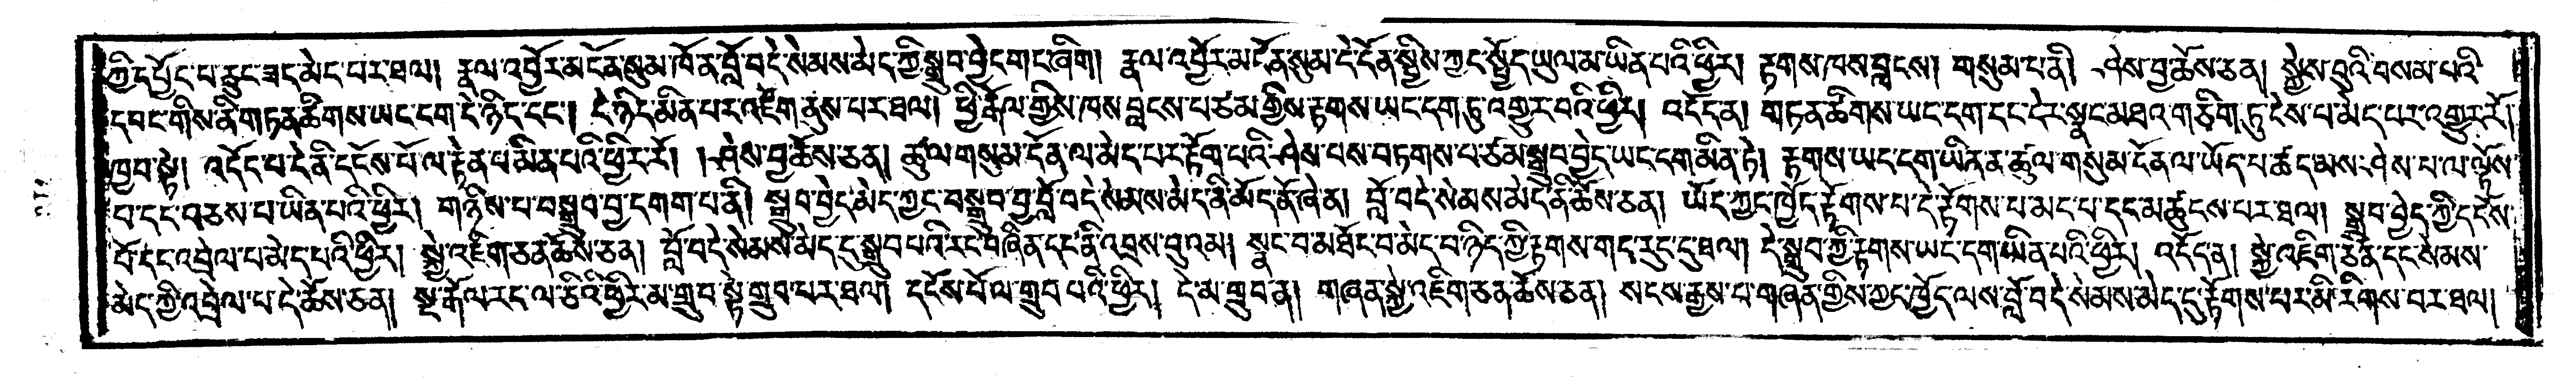ཀྱི་དཔྱོད་པ་ཅུང་ཟད་མེད་པར་ཐལ། རྣལ་འབྱོར་མངོན་སུམ་ཁོ་ན་བློ་བདེ་སེམས་མེད་ཀྱི་སྒྲུབ་བྱེད་གང་ཞིག། རྣལ་འབྱོར་མངོན་སུམ་དེ་དོན་སྦྱིས་ཀྱང་སྤྱོད་ཡུལ་མ་ཡིན་པའི་ཕྱིར། རྟགས་ཁས་བླངས། གསུམ་པ་ནི། ཤེས་བྱ་ཆོས་ཅན། སྐྱེས་བུའི་བསམ་པའི་
དབང་གིས་ནི་གཏན་ཚིགས་ཡང་དག་དེ་ཉིད་དང་། དེ་ཉིད་མིན་པར་འཇོག་ནུས་པར་ཐལ། ཕྱི་རྒོལ་གྱིས་ཁས་བླངས་པ་ཙམ་གྱིས་རྟགས་ཡང་དག་ཏུ་འགྱུར་བའི་ཕྱིར། འདོད་ན། གཏན་ཚིགས་ཡང་དག་དང་དེར་སྣང་མཐའ་གཅིག་ཏུ་ངེས་པ་མེད་པར་འགྱུར་རོ།
ཁྱབ་སྟེ། འདོད་པ་དེ་ནི་དངོས་པོ་ལ་རྟེན་པ་མིན་པའི་ཕྱིར་རོ། །ཤེས་བྱ་ཆོས་ཅན། ཚུལ་གསུམ་དོན་ལ་མེད་པར་རྟོག་པའི་ཤེས་པས་བཏགས་པ་ཙམ་སྒྲུབ་བྱེད་ཡང་དག་མིན་ཏེ། རྟགས་ཡང་དག་ཡིན་ན་ཚུལ་གསུམ་དོན་ལ་ཡོད་པ་ཚད་མས་ཤེས་པ་ལ་ལྟོས་
བ་དང་བཅས་པ་ཡིན་པའི་ཕྱིར། གཉིས་པ་བསྒྲུབ་བྱ་དགག་པ་ནི། སྒྲུབ་བྱེད་མེད་ཀྱང་བསྒྲུབ་བྱ་བློ་བདེ་སེམས་མེད་ནི་མོད་ནོ་ཞེ་ན། བློ་བདེ་སེམས་མེད་ནི་ཆོས་ཅན། ཡོད་ཀྱང་ཁྱོད་རྟོགས་པ་དེ་རྟོགས་པ་མང་པ་དང་མཚུངས་པར་ཐལ། སྒྲུབ་བྱེད་ཀྱི་དངོས་
བོ་དང་འབྲེལ་པ་མེད་པའི་ཕྱིར། སྐྱེ་འཇིག་ཅན་ཆོས་ཅན། བློ་བདེ་སེམས་མེད་དུ་སྒྲུབ་པའི་རང་བཞིན་དང་ནི་འབྲས་བུའམ། སྣང་བ་མཐོང་བ་མེད་པ་ཉིད་ཀྱི་རྟགས་གང་རུང་དུ་ཐལ། དེ་སྒྲུབ་ཀྱི་རྟགས་ཡང་དག་ཡིན་པའི་ཕྱིར། འདོད་ན། སྐྱེ་འཇིག་ཅན་དང་སེམས་
མེད་ཀྱི་འབྲེལ་པ་དེ་ཆོས་ཅན། སྔ་རྒོལ་རང་ལ་ཅིའི་ཕྱིར་མ་གྲུབ་སྟེ་གྲུབ་པར་ཐལ། དངོས་པོ་ལ་གྲུབ་པའི་ཕྱིར། དེ་མ་གྲུབ་ན། གཞན་སྐྱེ་འཇིག་ཅན་ཆོས་ཅན། སངས་རྒྱས་པ་གཞན་གྱིས་ཀྱང་ཁྱོད་ལས་བློ་བདེ་སེམས་མེད་དུ་རྟོགས་པར་མི་རིགས་པར་ཐལ།